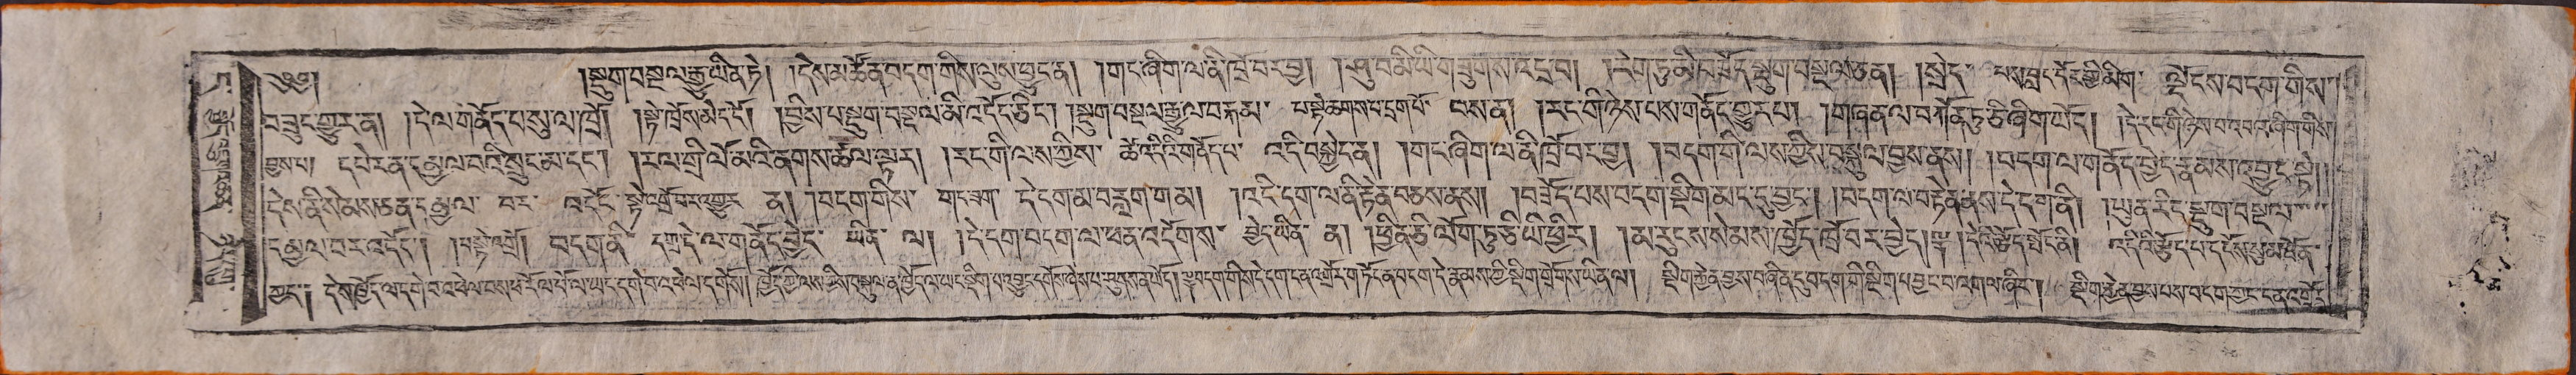༄༅། །སྡུག་བསྔལ་རྒྱུ་ཡིན་ཏེ། །དེས་མཚོན་བདག་གིས་ལུས་བྱུང་ན། །གང་ཞིག་ལ་ནི་ཁྲོ་བར་བྱ། །ཤུ་བ་མི་ཡི་གཟུགས་འདྲ་བ། །རེག་ཏུ་མི་བཟོད་སྡུག་བསྔལ་ཅན། །སྲེད་པས་བླང་དོར་གྱི་མིག་ལྡོངས་བདག་གིས་
བཟུང་གྱུར་ན། །དེ་ལ་གནོད་པ་སུ་ལ་ཁྲོ། །སྟེ་ཁྲོས་མེད་དོ། །བྱིས་པ་སྡུག་བསྔལ་མི་འདོད་ཅིང་། །སྡུག་བསྔལ་རྒྱུ་ལ་བརྐམ་པ་སྟེ་ཆགས་པ་དྲག་པོ་པས་ན། །རང་གི་ཉེས་པས་གནོད་གྱུར་པ། །གཞན་ལ་བཀོན་ཏུ་ཅི་ཞིག་ཡོད། །དེ་རང་གི་ཉེས་པ་འབའ་ཞིག་གིས་
བྱས་པ་དཔེར་ན་དམྱལ་བའི་སྲུང་མ་དང་། །རལ་གྲི་ལོ་མའི་ནགས་ཚལ་ལྟར། །རང་གི་ལས་ཀྱིས་ཚེ་འདིའི་གནོད་པ་འདི་བསྐྱེད་ན། །གང་ཞིག་ལ་ནི་ཁྲོ་བར་བྱ། །བདག་གི་ལས་ཀྱིས་བསྐུལ་བྱས་ནས། །བདག་ལ་གནོད་བྱེད་རྣམས་འབྱུང་སྟེ།།
དེས་ནི་སེམས་ཅན་དམྱལ་བར་འདོང་སྟེ་འགྲོ་བར་འགྱུར་ན། །བདག་གིས་གང་ཟག་དེ་དག་མ་བརླག་གམ། །འདི་དག་ལ་ནི་རྟེན་བཅས་ནས། །བཟོད་པས་བདག་སྡིག་མང་དུ་བྱང་། །བདག་ལ་བརྟེན་ནས་དེ་དག་ནི། །ཡུན་རིང་སྡུག་བསྔལ་
དམྱལ་བར་འདོང་། །བསྟེ་འགྲོ། བདག་ནི་དགྲ་དེ་ལ་གནོད་བྱེད་ཡིན་ལ། །དེ་དག་བདག་ལ་ཕན་འདོགས་བྱེད་ཡིན་ན། །ཕྱིན་ཅི་ལོག་ཏུ་ཅི་ཡི་ཕྱིར། །མ་རུངས་སེམས་ཁྱོད་ཁྲོ་བར་བྱེད། ༈ །དེའི་རྩོད་སྤོང་ནི། འདིའི་རྩོད་པ་དངོས་སུ་མཐོན་
ཀྱང༑ དེས་ཁྱོད་ལ་དགེ་བ་འཕེལ་བསལ་རོལ་པོ་ལ་ཡང་དགེ་བ་འཕེལ་དགོས། ཁྱོད་ཀྱི་ལས་ཀྱིས་བསྐུལ་ན་ཁྱོད་ལ་ཡང་སྡིག་པ་འབྱུང་དགོས་ཞེས་པ་ཤུགས་ན་ཡོད། ༈ བདག་གིས་དེ་དག་ངན་འགྲོར་གཏོང་ན་བདག་དེ་རྣམས་ཀྱི་སྡིག་གྲོགས་ཡིན་ལ། སྡིག་རྐྱེན་བྱས་བཞིན་དུ་བདག་གི་སྡིག་པ་བྱང་བ་འགལ་ཞིང་། སྡིག་རྐྱེན་བྱས་པས་བདག་ཀྱང་ངན་འགྲོར་